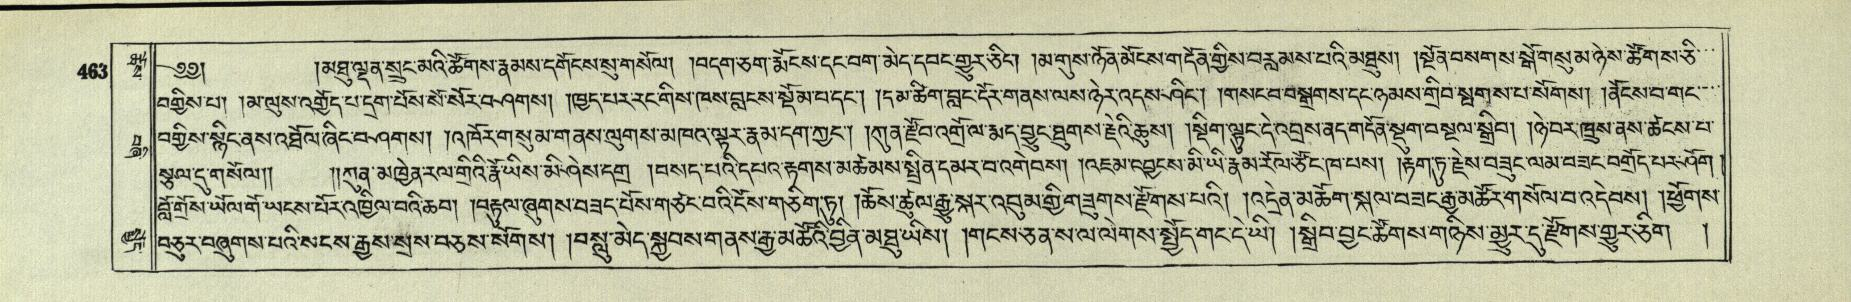༄༅། །མཐུ་ལྡན་སྲུང་མའི་ཚོགས་རྣམས་དགོངས་སུ་གསོལ། །བདག་ཅག་རྨོངས་དང་བག་མེད་དབང་གྱུར་ཅིང་། །མ་གུས་ཉོན་མོངས་གདོན་གྱིས་བརླམས་པའི་མཐུས། །སྔོན་བསགས་སྒོ་གསུམ་ཉེས་ཚོགས་ཅི་
བགྱིས་པ། །མ་ལུས་འགྱོད་པ་དྲག་པོས་སོ་སོར་བཤགས། །ཁྱད་པར་རང་གིས་ཁས་བླངས་སྡོམ་པ་དང་། །དམ་ཚིག་བླང་དོར་གནས་ལས་ཉེར་འདས་ཤིང་། །གསང་བ་བསྒྲགས་དང་ཉམས་གྲིབ་སྤགས་པ་སོགས། །ནོངས་བ་གང་
བགྱིས་སྙིང་ནས་འཐོལ་ཞིང་བཤགས། །འཁོར་གསུམ་གནས་ལུགས་མཁའ་ལྟར་རྣམ་དག་ཀྱང་། །ཀུན་རྫོབ་འགྲོ་ལ་རྨད་བྱུང་ཐུགས་རྗེའི་ཆུས། །སྡིག་ལྟུང་དེ་འབྲས་ནད་གདོན་སྡུག་བསྔལ་སྒྲིབ། །ཉེ་བར་ཁྲུས་ནས་ཚངས་པ་
སྩལ་དུ་གསོལ།། །།ཀུན་མཁྱེན་རལ་གྲིའི་རྣོ་ཡིས་མི་ཤེས་དགྲ་།བསད་པའི་དཔའ་རྟགས་མཚམས་སྤྲིན་དམར་བ་འགེབས། །འཇམ་དབྱངས་མི་ཡི་རྣམ་རོལ་ཙོང་ཁ་པས། །རྟག་ཏུ་རྗེས་བཟུང་ལམ་བཟང་བགྲོད་པར་ཤོག །
བློ་གྲོས་ཡོལ་གོ་ཡངས་པོར་འཁྱིལ་བའི་ཆབ། །བརྟུལ་ཞུགས་བཟད་པོས་གཙང་བའི་ངོས་གཅིག་ཏུ། །ཆོས་ཚུལ་རྒྱུ་སྐར་འབུམ་གྱི་གཟུགས་རྫོགས་པའི། །འདྲེན་མཆོག་སྐལ་བཟང་རྒྱ་མཚོར་གསོལ་བ་འདེབས། །ཕྱོགས་
བཅུར་བཞུགས་པའི་སངས་རྒྱས་སྲས་བཅས་སོགས། །བསླུ་མེད་སྐྱབས་གནས་རྒྱ་མཚོའི་བྱིན་མཐུ་ཡིས། །གངས་ཅན་ས་ལ་ལེགས་སྤྱོད་གང་དེ་ཡི། །སྒྲིབ་བྱང་ཚོགས་གཉིས་མྱུར་དུ་རྫོགས་གྱུར་ཅིག །